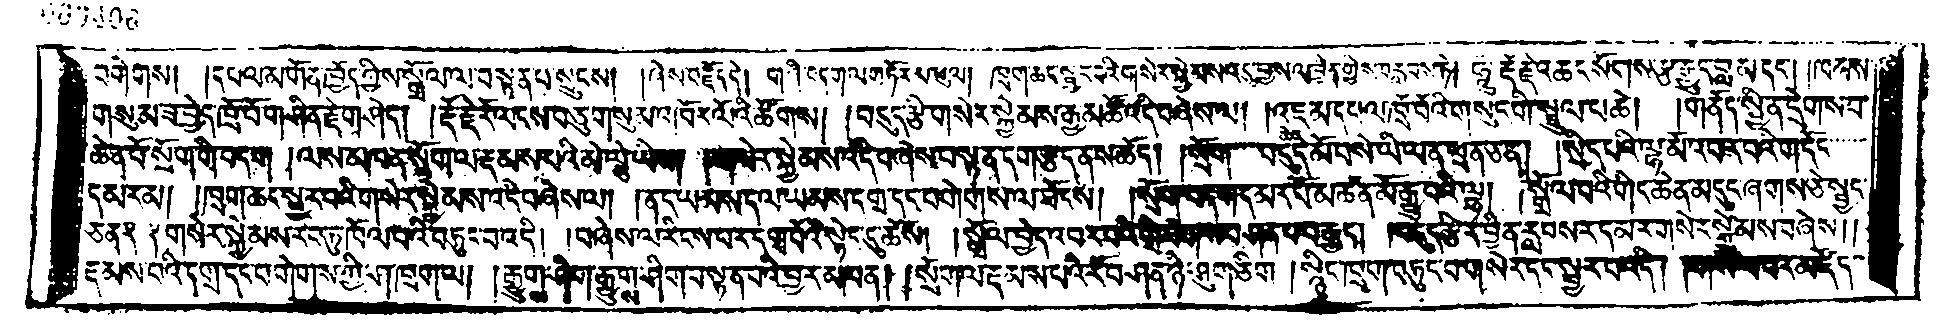བགེགས། །དཔལ་མགོན་ཁྱོད་ཀྱིས་སྒྲོལ་ལ་བསྟན་པ་སྲུངས། ། ཞེས་བརྗོད་དེ། གཞི་བདག་ལ་གཏོར་མ་ཕུལ། ཁྲག་ཆང་སྦྱར་བའི་གསེར་སྐྱེམས་འདུ་བྱས་ལ་བྱིན་གྱིས་བརླབས་ཏེ།  ཧཱུཾ་རྡོ་རྗེ་འཆང་སོགས་རྩ་རྒྱུད་བླ་མ་དང་། །ཁམས་
གསུམ་ཟ་བྱེད་ཁྲོ་བོ་གཤིན་རྗེ་གཤེད། །རྡོ་རྗེ་རོ་ལངས་བཅུ་གསུམ་འཁོར་ལོའི་ཚོགས། །བདུད་རྩི་གསེར་སྐྱེམས་རྒྱ་མཚོ་འདི་བཞེས་ལ། །འཇམ་དཔལ་ཁྲོ་བོའི་གསུང་གི་སྦྲུལ་པ་ཆེ། །གནོད་སྦྱིན་དྲེགས་པ་
ཆེན་པོ་སྲོག་གི་བདག །ལས་མཁན་སྲོག་ལ་རྡམས་པའི་མེ་ལྕེ་ཡིས། །གསེར་སྐྱེམས་འདི་བཞེས་བསྟན་དག་རྩད་ནས་ཆོད། །སྲོག་བདུད་ཆེན་མོ་བསེ་ཡི་ལན་ཕྲན་ཅན། །སྲིད་པའི་ལྷ་མོ་འབར་བའི་གདོང་
དམར་མ། །ཁྲག་ཆང་སྦྱར་བའི་གསེར་སྐྱེམས་འདི་བཞེས་ལ། །ནད་ཡམས་དལ་ཡམས་དགྲ་དང་བགེགས་ལ་ཐོངས། །སྲོག་བདག་དམར་པོ་མཚན་མོ་རྒྱུ་བའི་ལྷ། །སྒྲོལ་བའི་གིང་ཆེན་མདུང་ཞགས་ཅེ་སྦྱང་
ཅན༑ ༑གསེར་སྐྱེམས་རབ་ཏུ་ཁོལ་བའི་བཏུང་བ་འདི། །བཞེས་ལ་རིངས་པར་དགྲ་བོའི་སྟེང་དུ་ཆོས། །སྒྲོལ་བྱེད་འབར་བའི་གྲི་ཐོགས་བཤན་པ་བརྒྱད། །བདུད་རྩིར་བྱིན་རླབས་ར་དམར་གསེར་སྐྱེམས་བཞེས། །
རྡམས་པའི་དགྲ་དང་བགེགས་ཀྱི་ཤ་ཁྲག་ལ། །རྒྱུགས་ཤིག་རྒྱུགས་ཤིག་བསྟན་པའི་བྱ་ར་མཁན། །སྲོག་ལ་རྡམས་པའི་རོ་བཤན་ཉི་ཤུ་གཅིག །སྙིང་ཁྲག་བཏུང་བ་གསེར་དང་སྦྱར་བ་འདི། །གསོལ་པར་མཛོད་